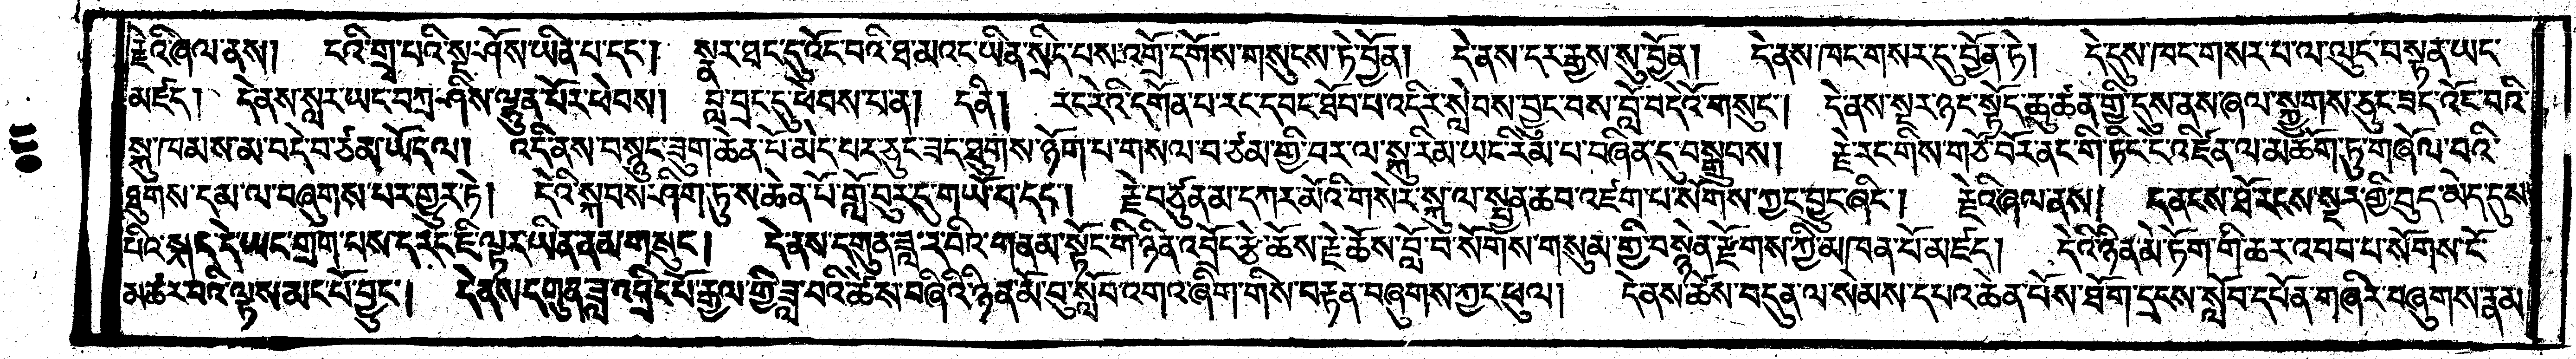རྗེའི་ཞལ་ནས། ངའི་གྲྭ་པའི་སྔ་ཤོས་ཡིན་པ་དང་། སྣར་ཐང་དུ་འོང་བའི་ཐ་མའང་ཡིན་སྲིད་པས་འགྲོ་དགོས་གསུངས་ཏེ་བྱོན། དེ་ནས་དར་རྒྱས་སུ་བྱོན། དེ་ནས་ཁང་གསར་དུ་བྱོན་ཏེ། དེ་དུས་ཁང་གསར་པ་ལ་ལུང་བསྟན་ཡང་
མཛད། དེ་ནས་སླར་ཡང་བཀྲ་ཤིས་ལྷུན་པོར་ཕེབས། བླ་བྲང་དུ་ཕེབས་པ་ན། ད་ནི། རང་རེའི་དགོན་པ་རང་དབང་ཐོབ་པ་འདིར་སླེབས་བྱུང་བས་བློ་བདེའོ་གསུང་། དེ་ནས་སྔར་ཉང་སྟོད་ཆུ་ཚན་གྱི་དུས་ནས་ཞལ་སྐྱུགས་ཅུང་ཟད་འོང་བའི་
སྐུ་ཁམས་མ་བདེ་བ་ཙམ་ཡོད་ལ། འདི་ནས་བསྙུང་ཟུག་ཆེན་པོ་མེད་པར་ཅུང་ཟད་ཐུགས་ཉོག་པ་གསལ་བ་ཙམ་གྱི་བར་ལ་སྐུ་རིམ་ཡང་རིམ་པ་བཞིན་དུ་བསྒྲུབས། རྗེ་རང་གིས་གཙོ་བོར་ནང་གི་ཏིང་ངེ་འཛིན་ལ་མཆོག་ཏུ་གཞོལ་བའི་
ཐུགས་དམ་ལ་བཞུགས་པར་གྱུར་ཏེ། དེའི་སྐབས་ཤིག་ཏུ་ས་ཆེན་པོ་གློ་བུར་དུ་གཡོ་བ་དང་། རྗེ་བཙུན་མ་དཀར་མོའི་གསེར་སྐུ་ལ་སྤྱན་ཆབ་འཛག་པ་སོགས་ཀྱང་བྱུང་ཞིང་། རྗེའི་ཞལ་ནས། ད་ནང་ས་ཐོ་རངས་སྔར་གྱི་བུད་མེད་དུས་
པའི་སྐད་དེ་ཡང་གྲག་པས་ད་རང་ཇི་ལྟར་ཡིན་ནམ་གསུང་། དེ་ནས་དགུན་ཟླ་ར་བའི་གནམ་སྟོང་གི་ཉིན་འབྲོང་རྩེ་ཆོས་རྗེ་ཆོས་བློ་བ་སོགས་གསུམ་གྱི་བསྙེན་རྫོགས་ཀྱི་མཁན་པོ་མཛད། དེའི་ཉིན་མེ་ཏོག་གི་ཆར་འབབ་པ་སོགས་ངོ་
མཚར་བའི་ལྟས་མང་པོ་བྱུང་། དེ་ནས་དགུན་ཟླ་འབྲིང་པོ་རྒྱལ་གྱི་ཟླ་བའི་ཚེས་བཞིའི་ཉིན་མོ་བུ་སློབ་འགའ་ཞིག་གིས་བརྟན་བཞུགས་ཀྱང་ཕུལ། དེ་ནས་ཚེས་བདུན་ལ་སེམས་དཔའ་ཆེན་པོས་ཐོག་དྲངས་སློབ་དཔོན་གཞིར་བཞུགས་རྣམ་